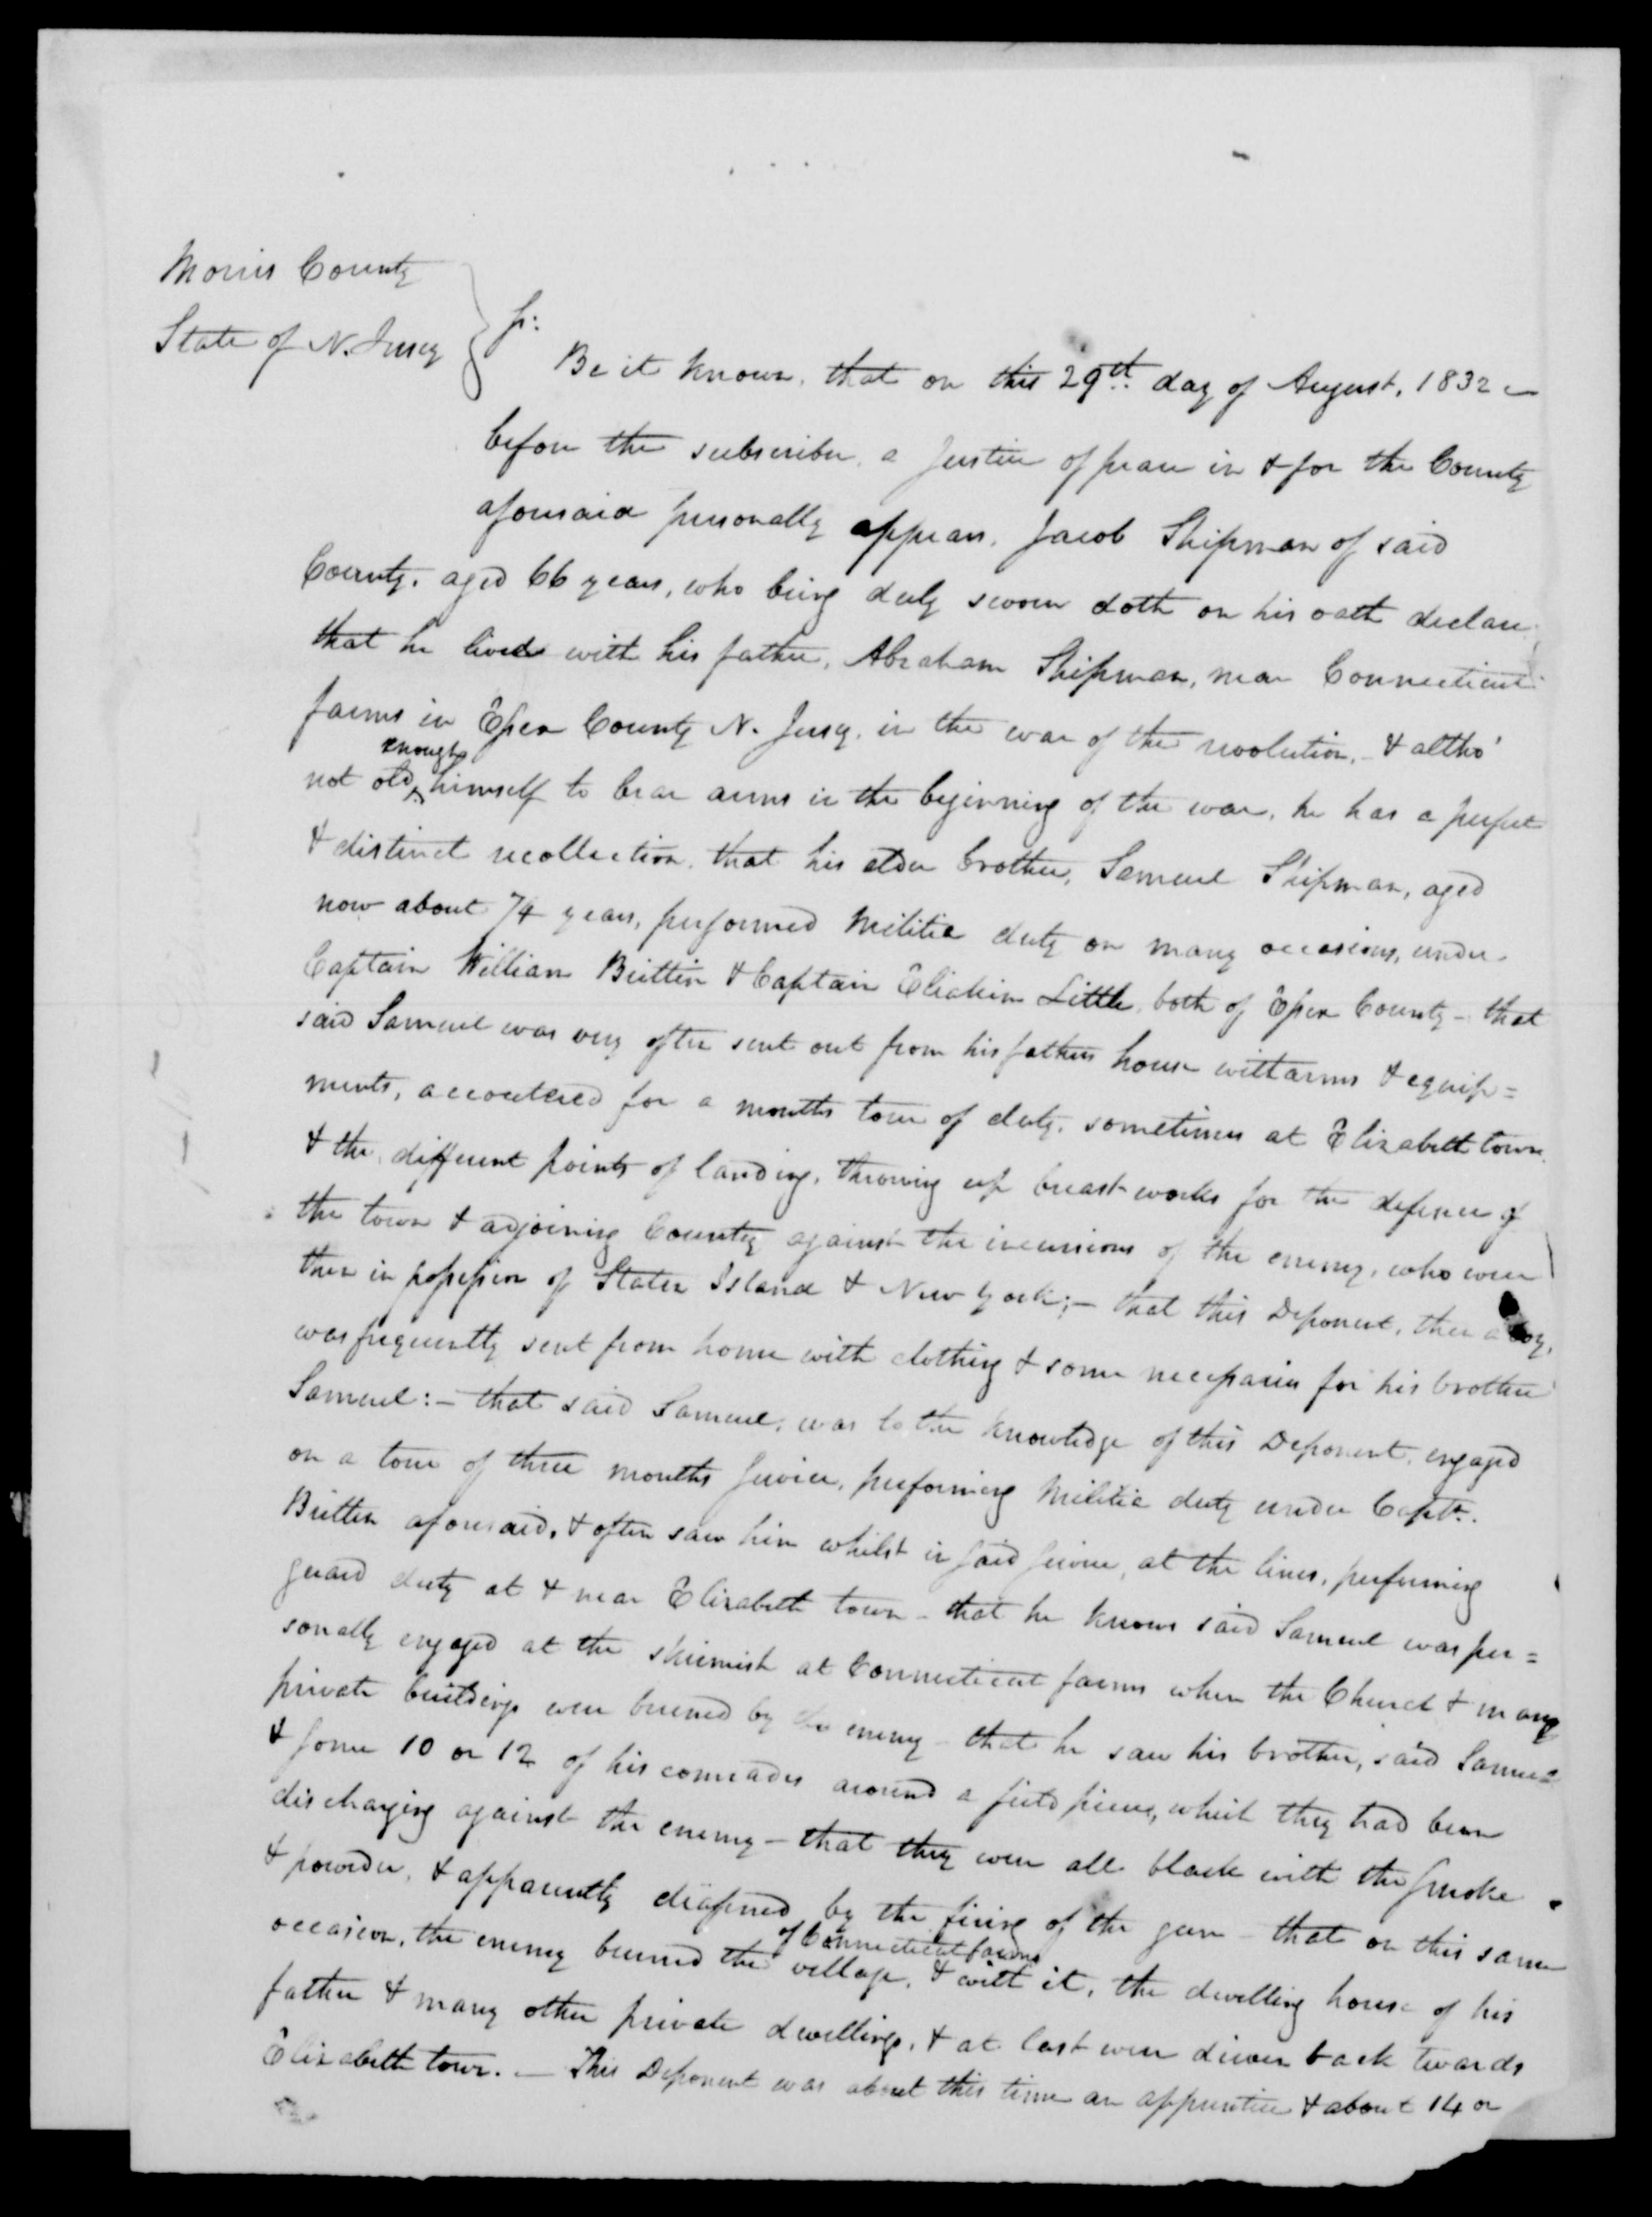Morris County State of N. Jersey}Ss: Be it known that on this 29th day of August 1832 before th subscriber a Justice of peace in + for the County aforesaid personally appears Jacob Shipman of said County, aged 66 years, who being duly sworn doth on is oath declare that he lived with his father Abraham Shipman, near Connecticut farms in Essex County N. Jersey in the war of the revolution + altho' not old enough himself to near arms in the beginning of the war, he has a perfect + distinct recollection that his older brother, Samuel Shipman, aged now about 74 years, performed militia duty on many occasions under Captain William Brittin + Captain Eliakim Little both of Essex County - that said Samuel was very often sent out from his father's house with arms + equipment, accoutered for a months tour of duty, sometimes at Elisabeth town + the different points of landing, throwing up breast works for the defense of the town + adjoining county against the invasions of the enemy, who were there in possession of Staten Island + New York; - that this deponent, then a boy, was frequently sent from home with clothing + some necessaries for his  rother Samuel:--that said Samuel, was to the knowledge of this deponent, engaged on a tour of three months service, performing militia duty under Capt. Brittin aforesaid, + often saw him whilst in said service, at the lines, performing guard duty at + near Elisabeth town - that he knows said Samuel was personally engaged at the skirmish at Connecticut farms when the church + many private buildings were burned ny so many that he saw his brother, said Samuel + some 10 or 12 of his comrades around a [dield pieces?} which they had been discharging against the enemy - that they were all lack with the smoke + powder + apparently deafened by the firing of the gun - that on this same occasion, the enemy burned the village of Connecticut farms + with it, the dwelling house of his father + many other private dwellings, + at last were driven back towards Elisabeth town. -- This deponent was about this time an apprentice + about 14 or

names: Samuel [BLANK]; Samuel [BLANK]; William Brittin; Jacob Shipman; Samuel [BLANK]; Samuel [BLANK]; Eliakim Little; [BLANK] Brittin; Samuel [BLANK]; Samuel Shipman; Abraham Shipman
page: 13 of 44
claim: survivor's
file: S. 912, for Samuel Shipman, New Jersey